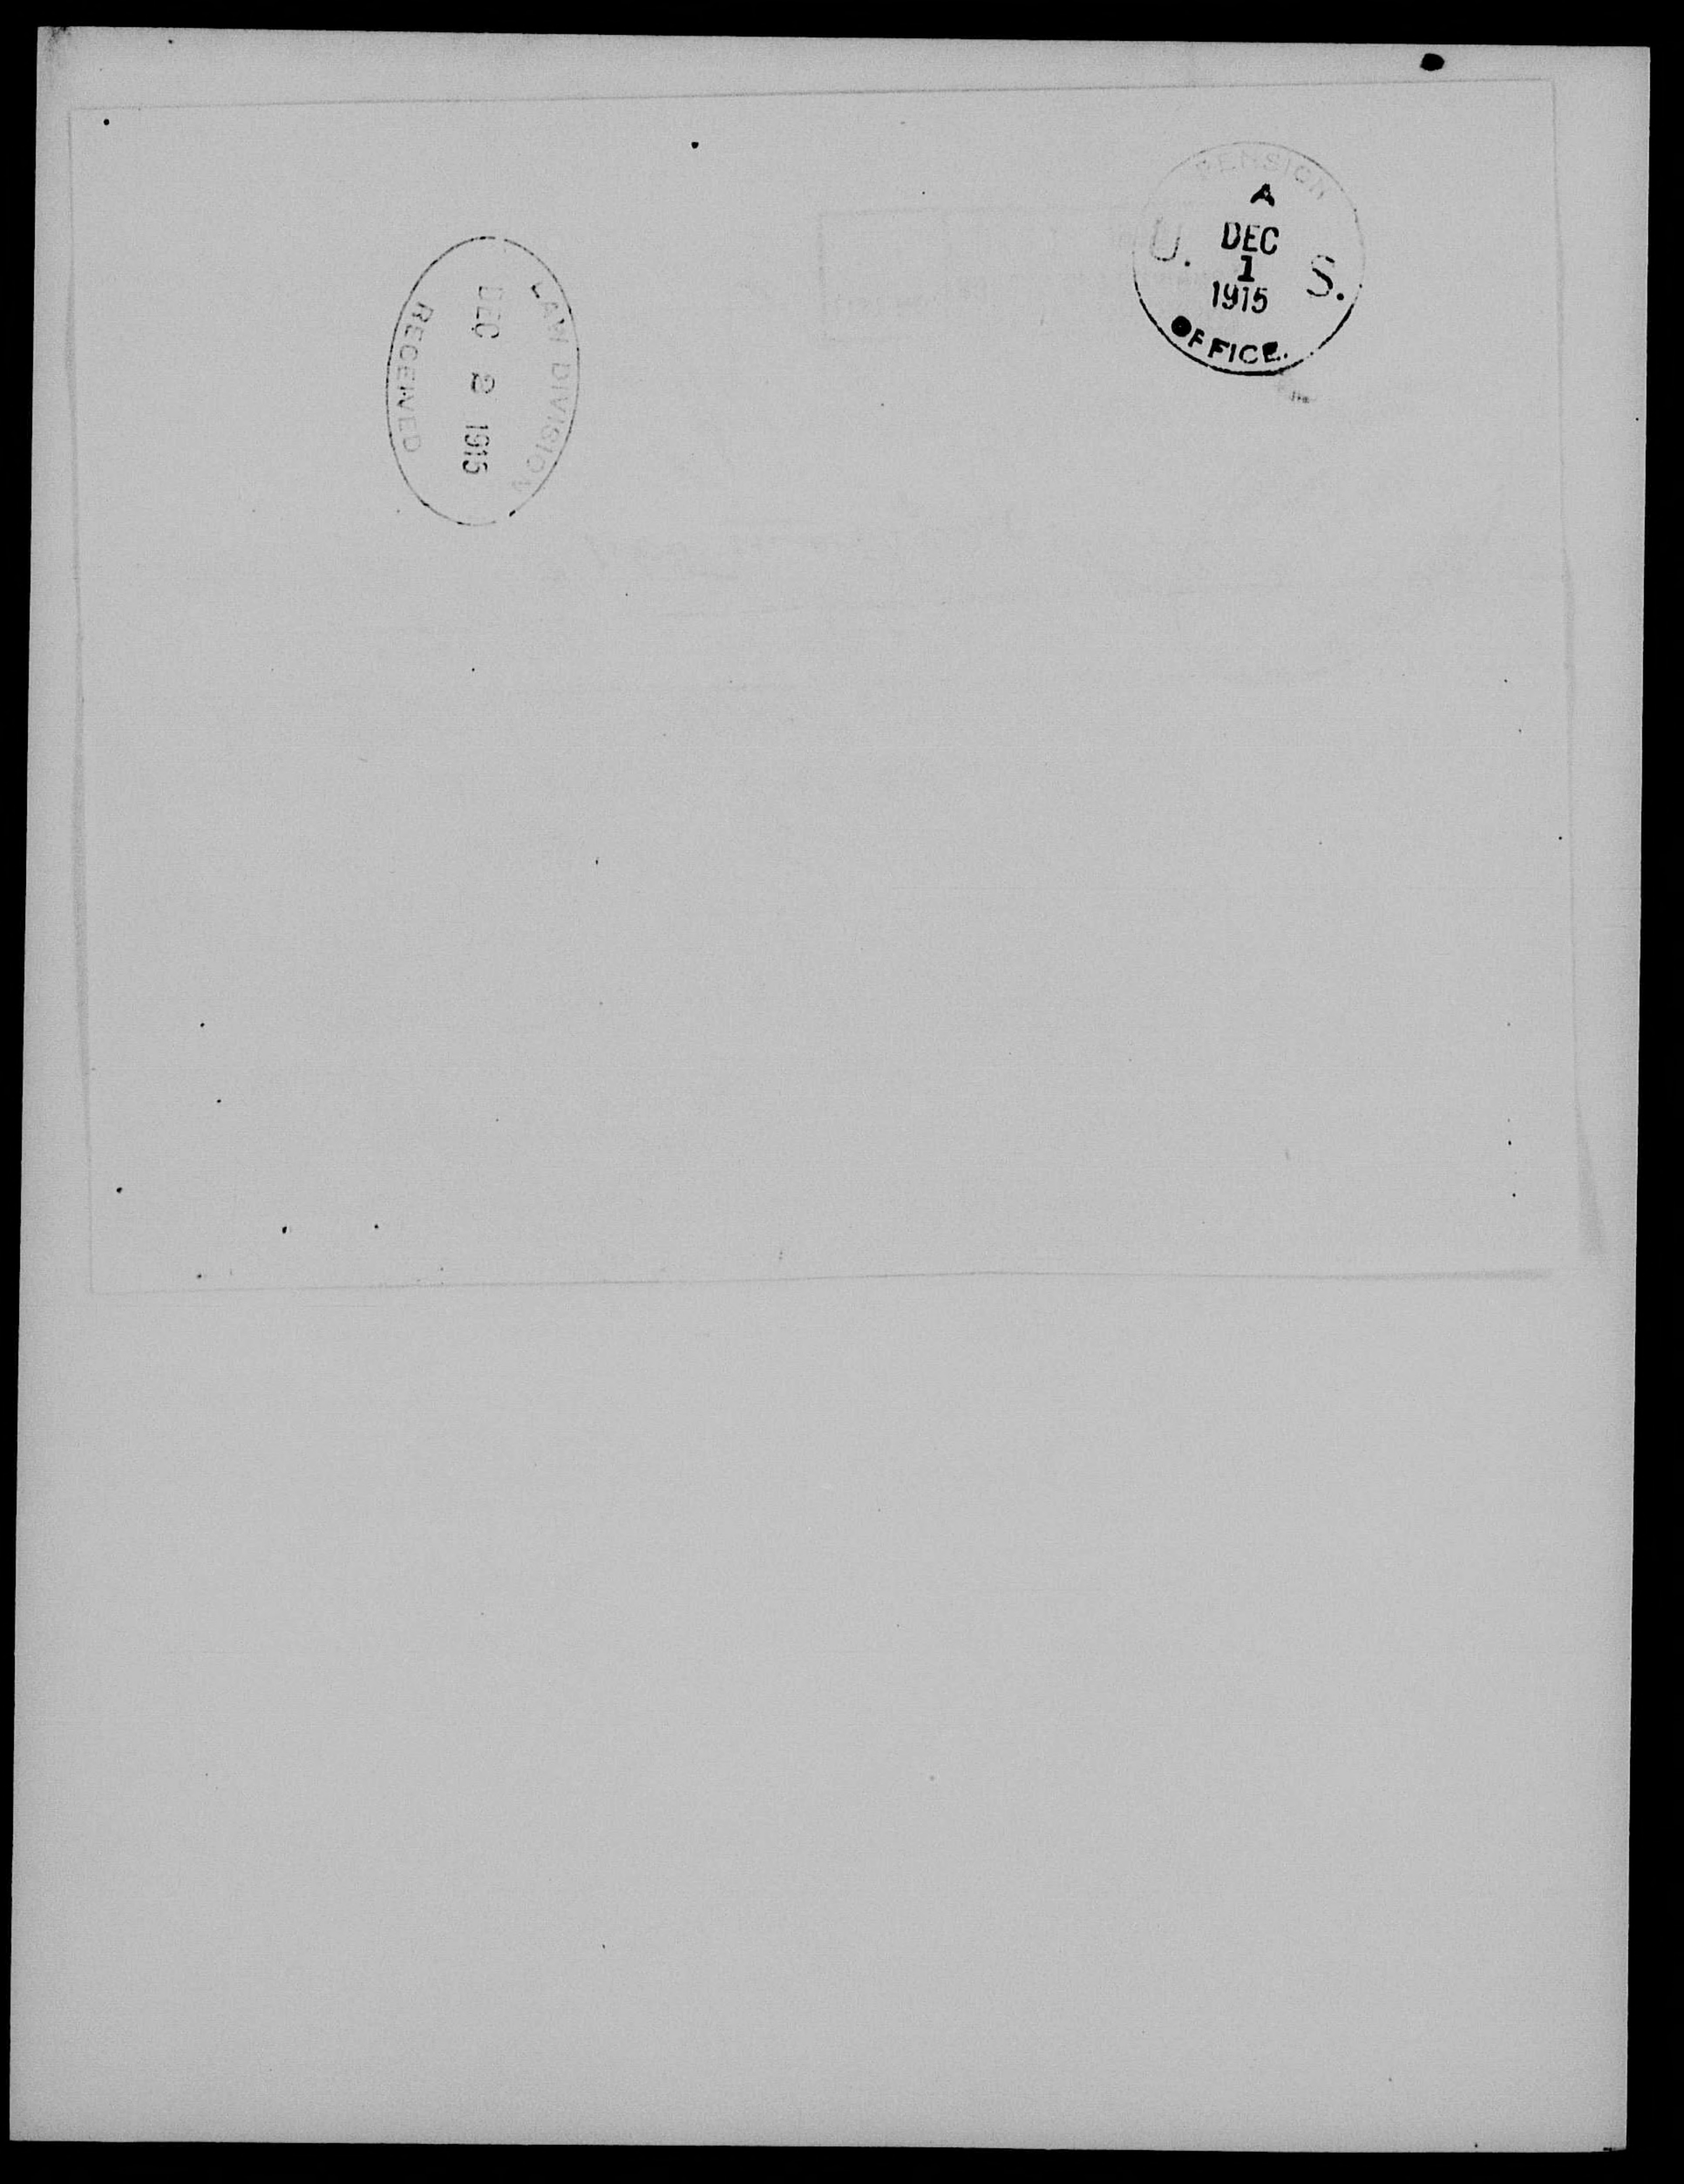[two stamps on page]
[oval stamp]
Law Division
Dec 2 1915
Received
[round stamp]
Pension
U. S. A.
Dec 1 1915
Office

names: [BLANK]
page: 25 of 34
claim: survivor's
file: S. 19483, for John Taliaferro, Virginia